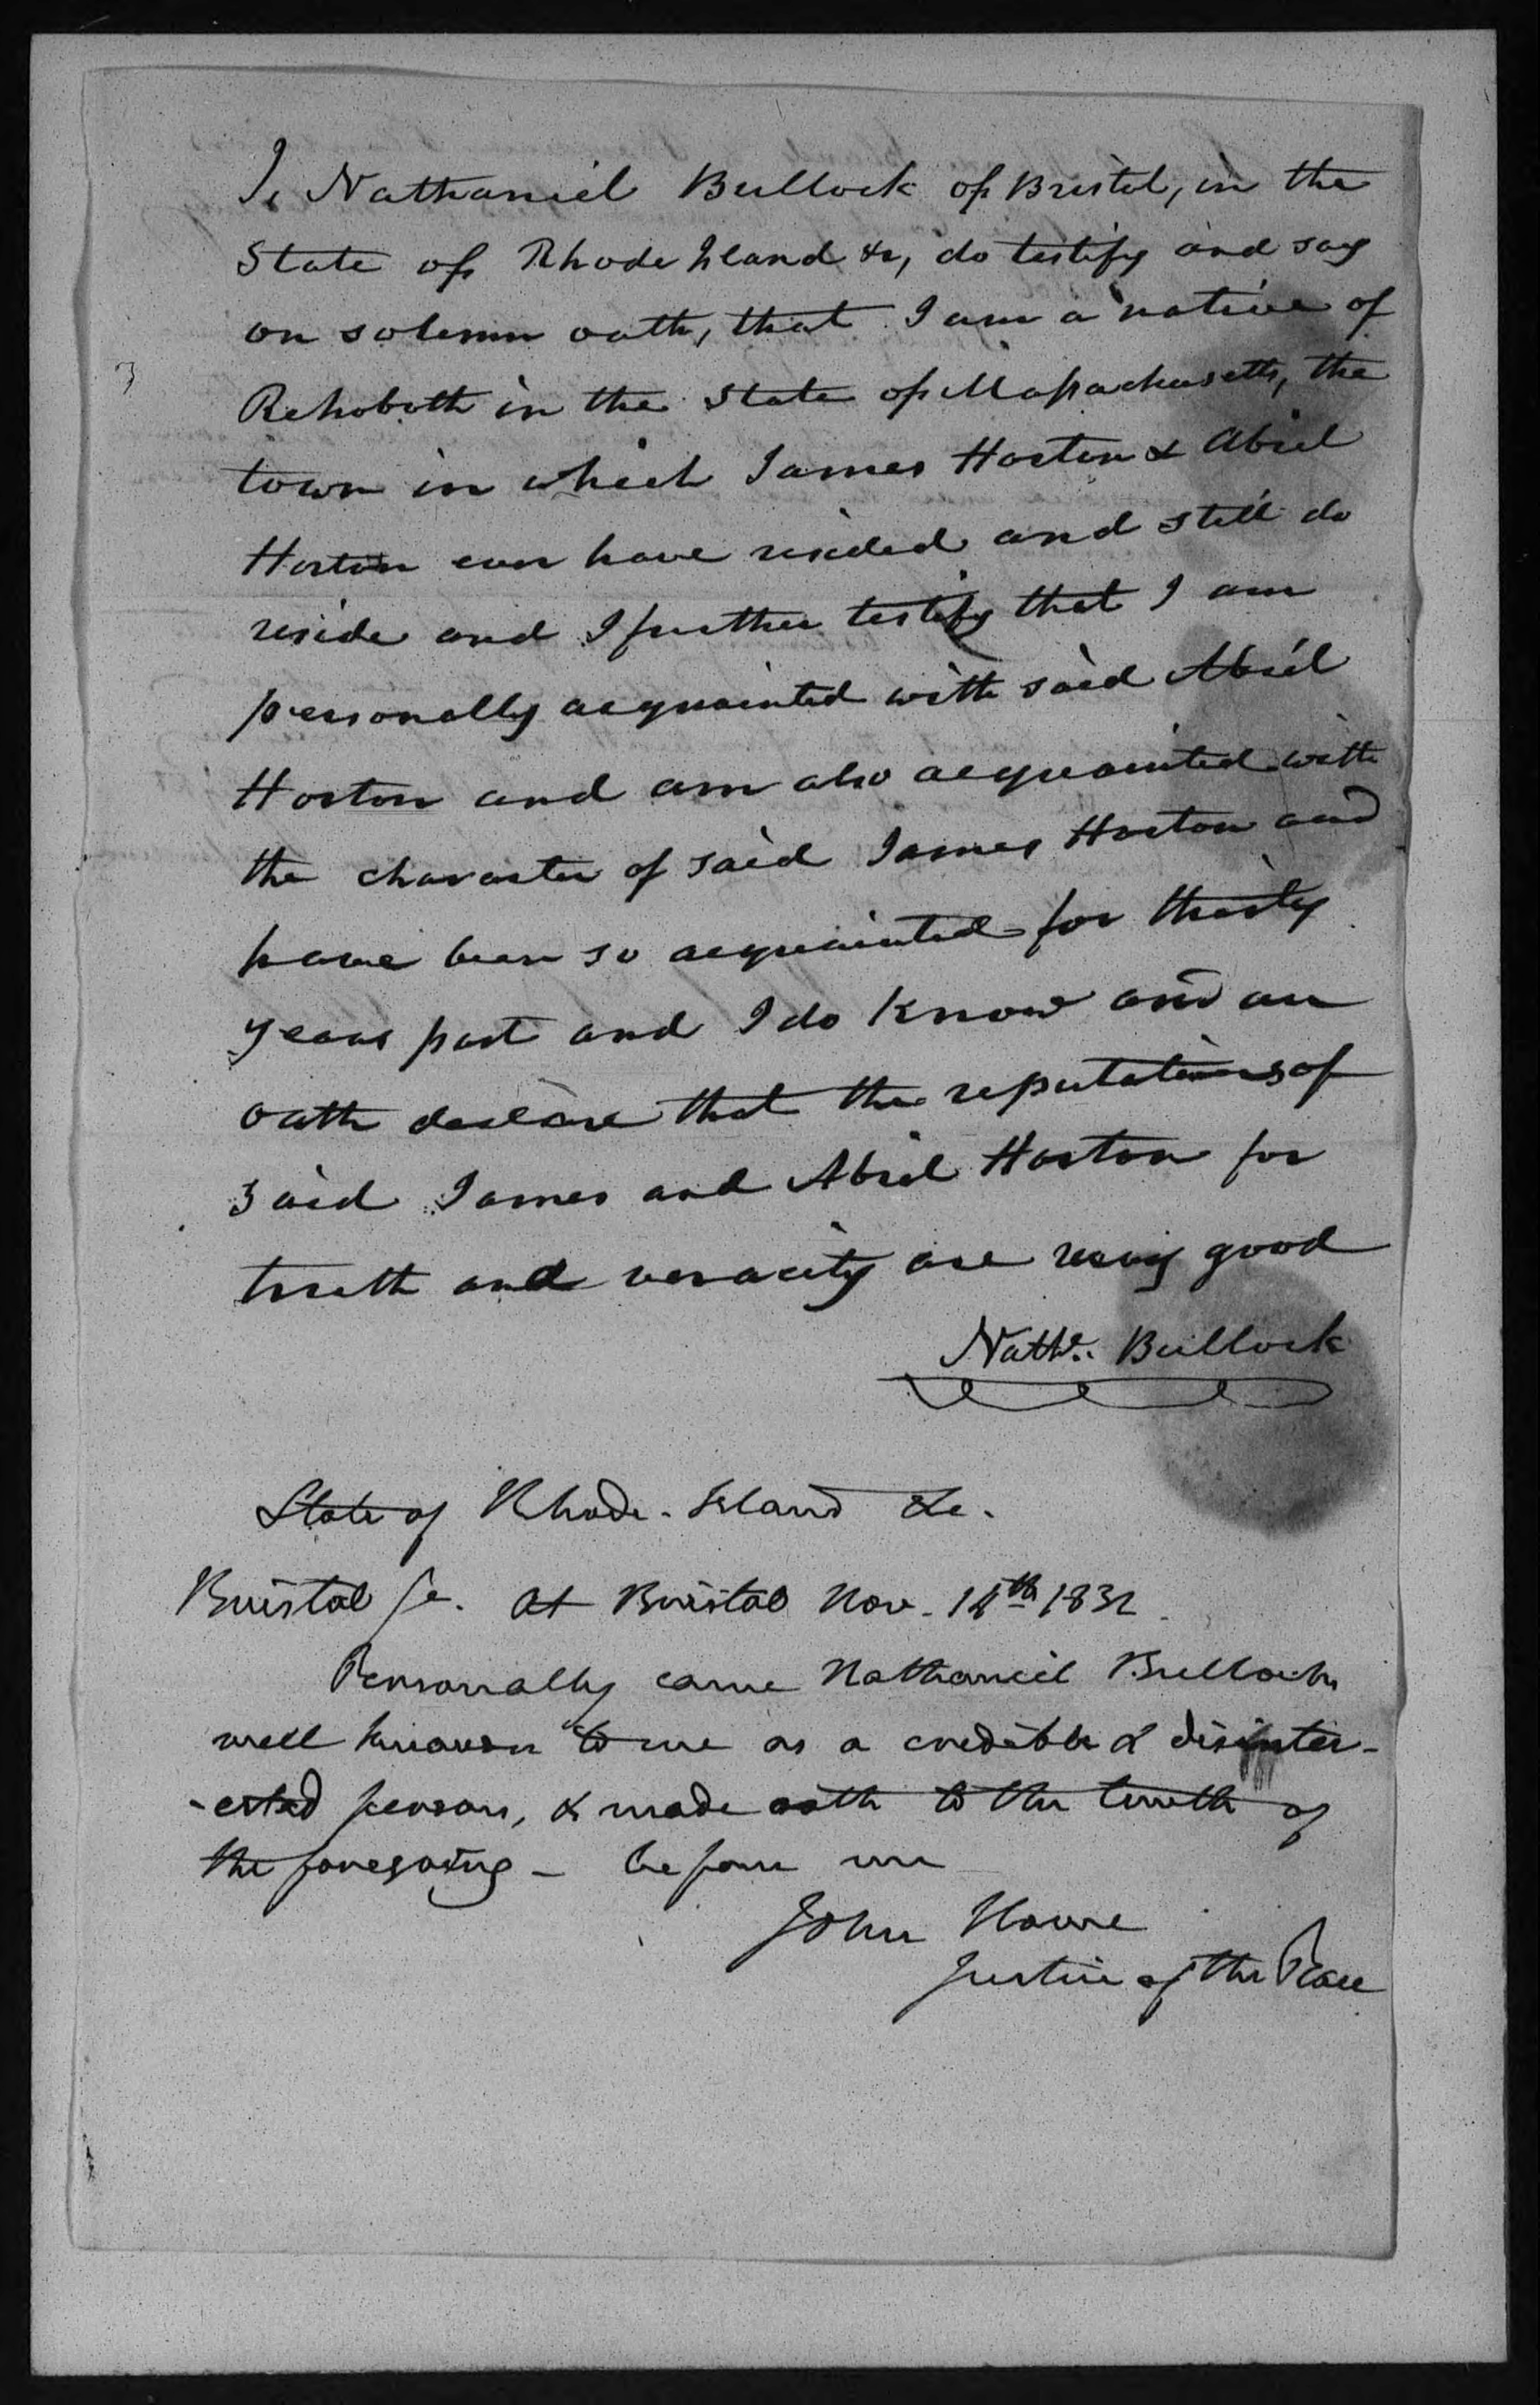I Nathaniel Bullock of Bristol, in the State of Rhode Island &c., do testify and say on solemn oath, that I am a native of Rehoboth in the State of Massachusetts, the town in which James Horton & Abiel Horton ever have resided and still do reside and I further testify that I am personally acquainted with said Abiel Horton and am acquainted with the character of said James Horton and have been so acquainted for twenty years past and I do know and on oath declare that the reputation of said James and Abiel Horton for truth and veracity are very good
[signature] Nath'l Bullock
State of Rhode Island &c.
Bristol sc. at Bristol Nov 14th 1832
Personally came Nathaniel Bullock well known to me as a credible & disinterested person, & made oath to the truth of the foregoing - before me
[signature] John Howe
Justice of the Peace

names: Nathl Bullock, Abial Horton, Abiel Horton, Abial Horton, John Howe, Nathaniel Bullock, James Horton, James Horton, James Horton, Nathaniel Bullock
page: 15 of 16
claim: survivor's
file: S. 21040, Jonathan Alger, Mass. R. I.